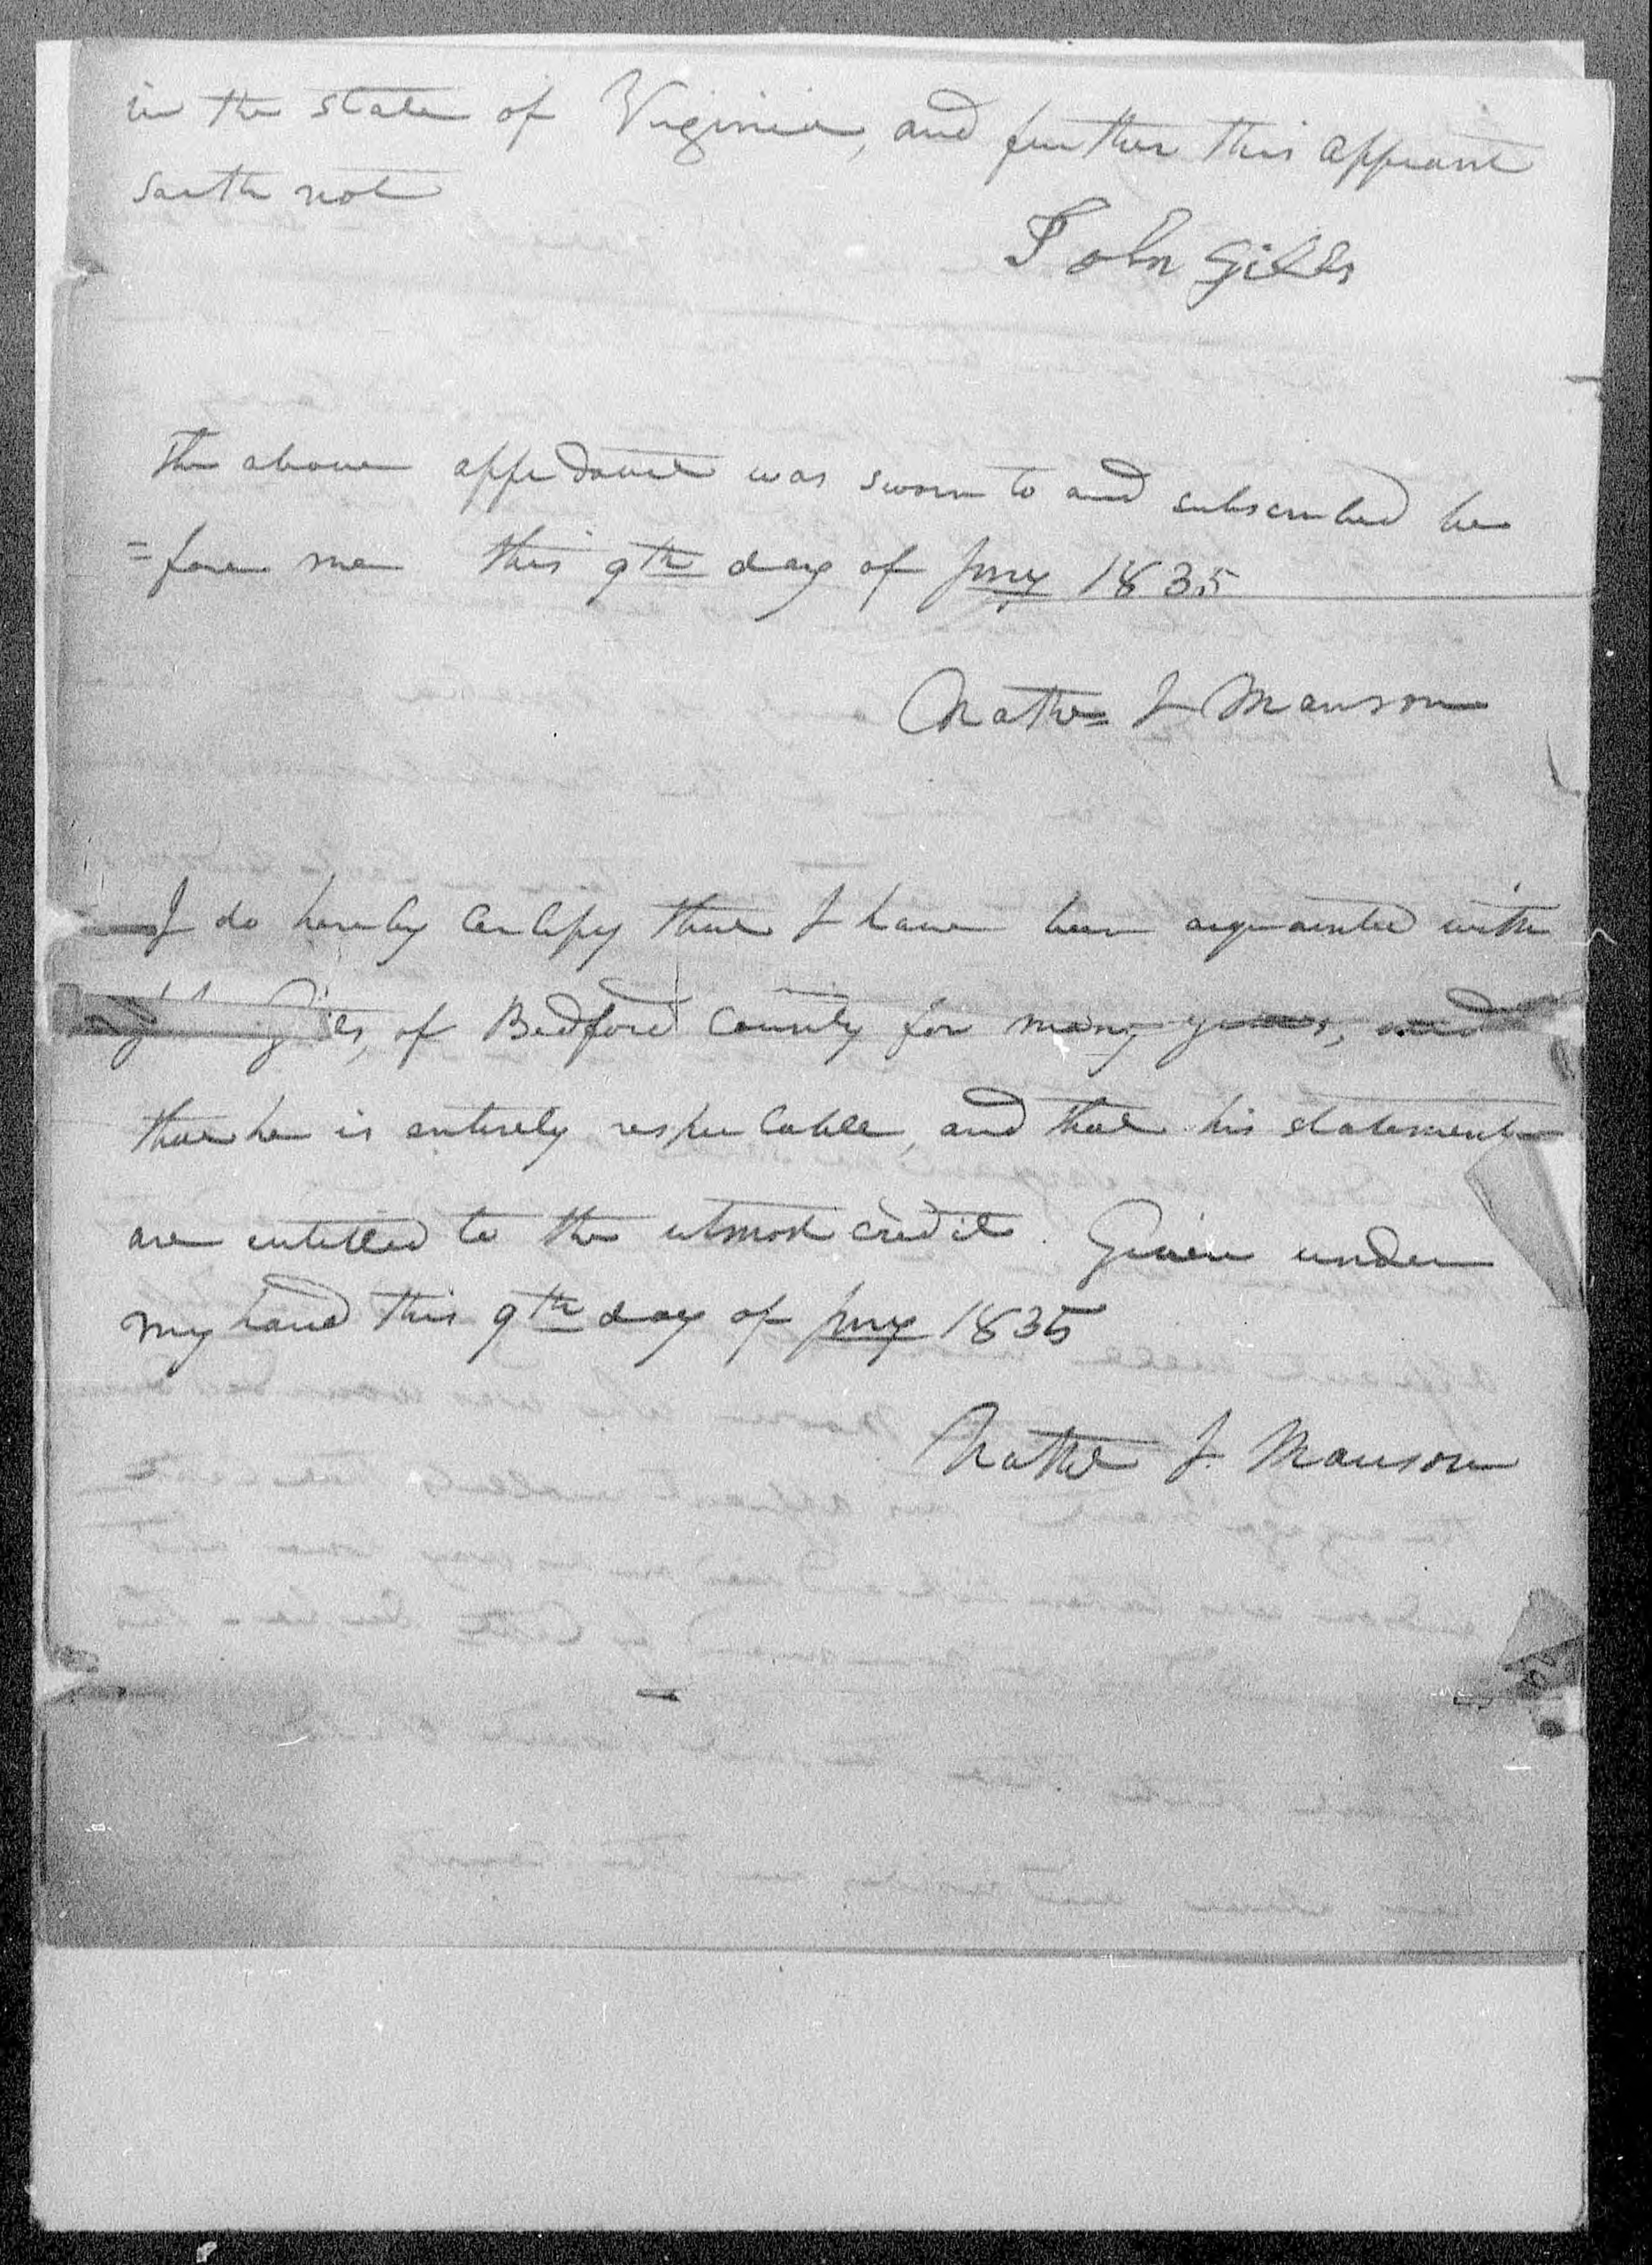in the State of Virginia, and further this [illegible] not 
John Gills

the above
affidavit was sworn to and subscribed be
before me this 9th day of June 1835
[illegible] J Manson

I do hereby certify there I have been acquainted with [illegible] of Bedford County for many years, and that he is entirely respectable, and that his statements are entitled to the utmost credit.
Given under my hand this 9th day of May 1835
[illegible] J. Manson
-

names: John Gills, Nathe J Manson, Nathl J Manson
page: 16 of 25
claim: rejected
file: R. 1929, Robert Childress, Va